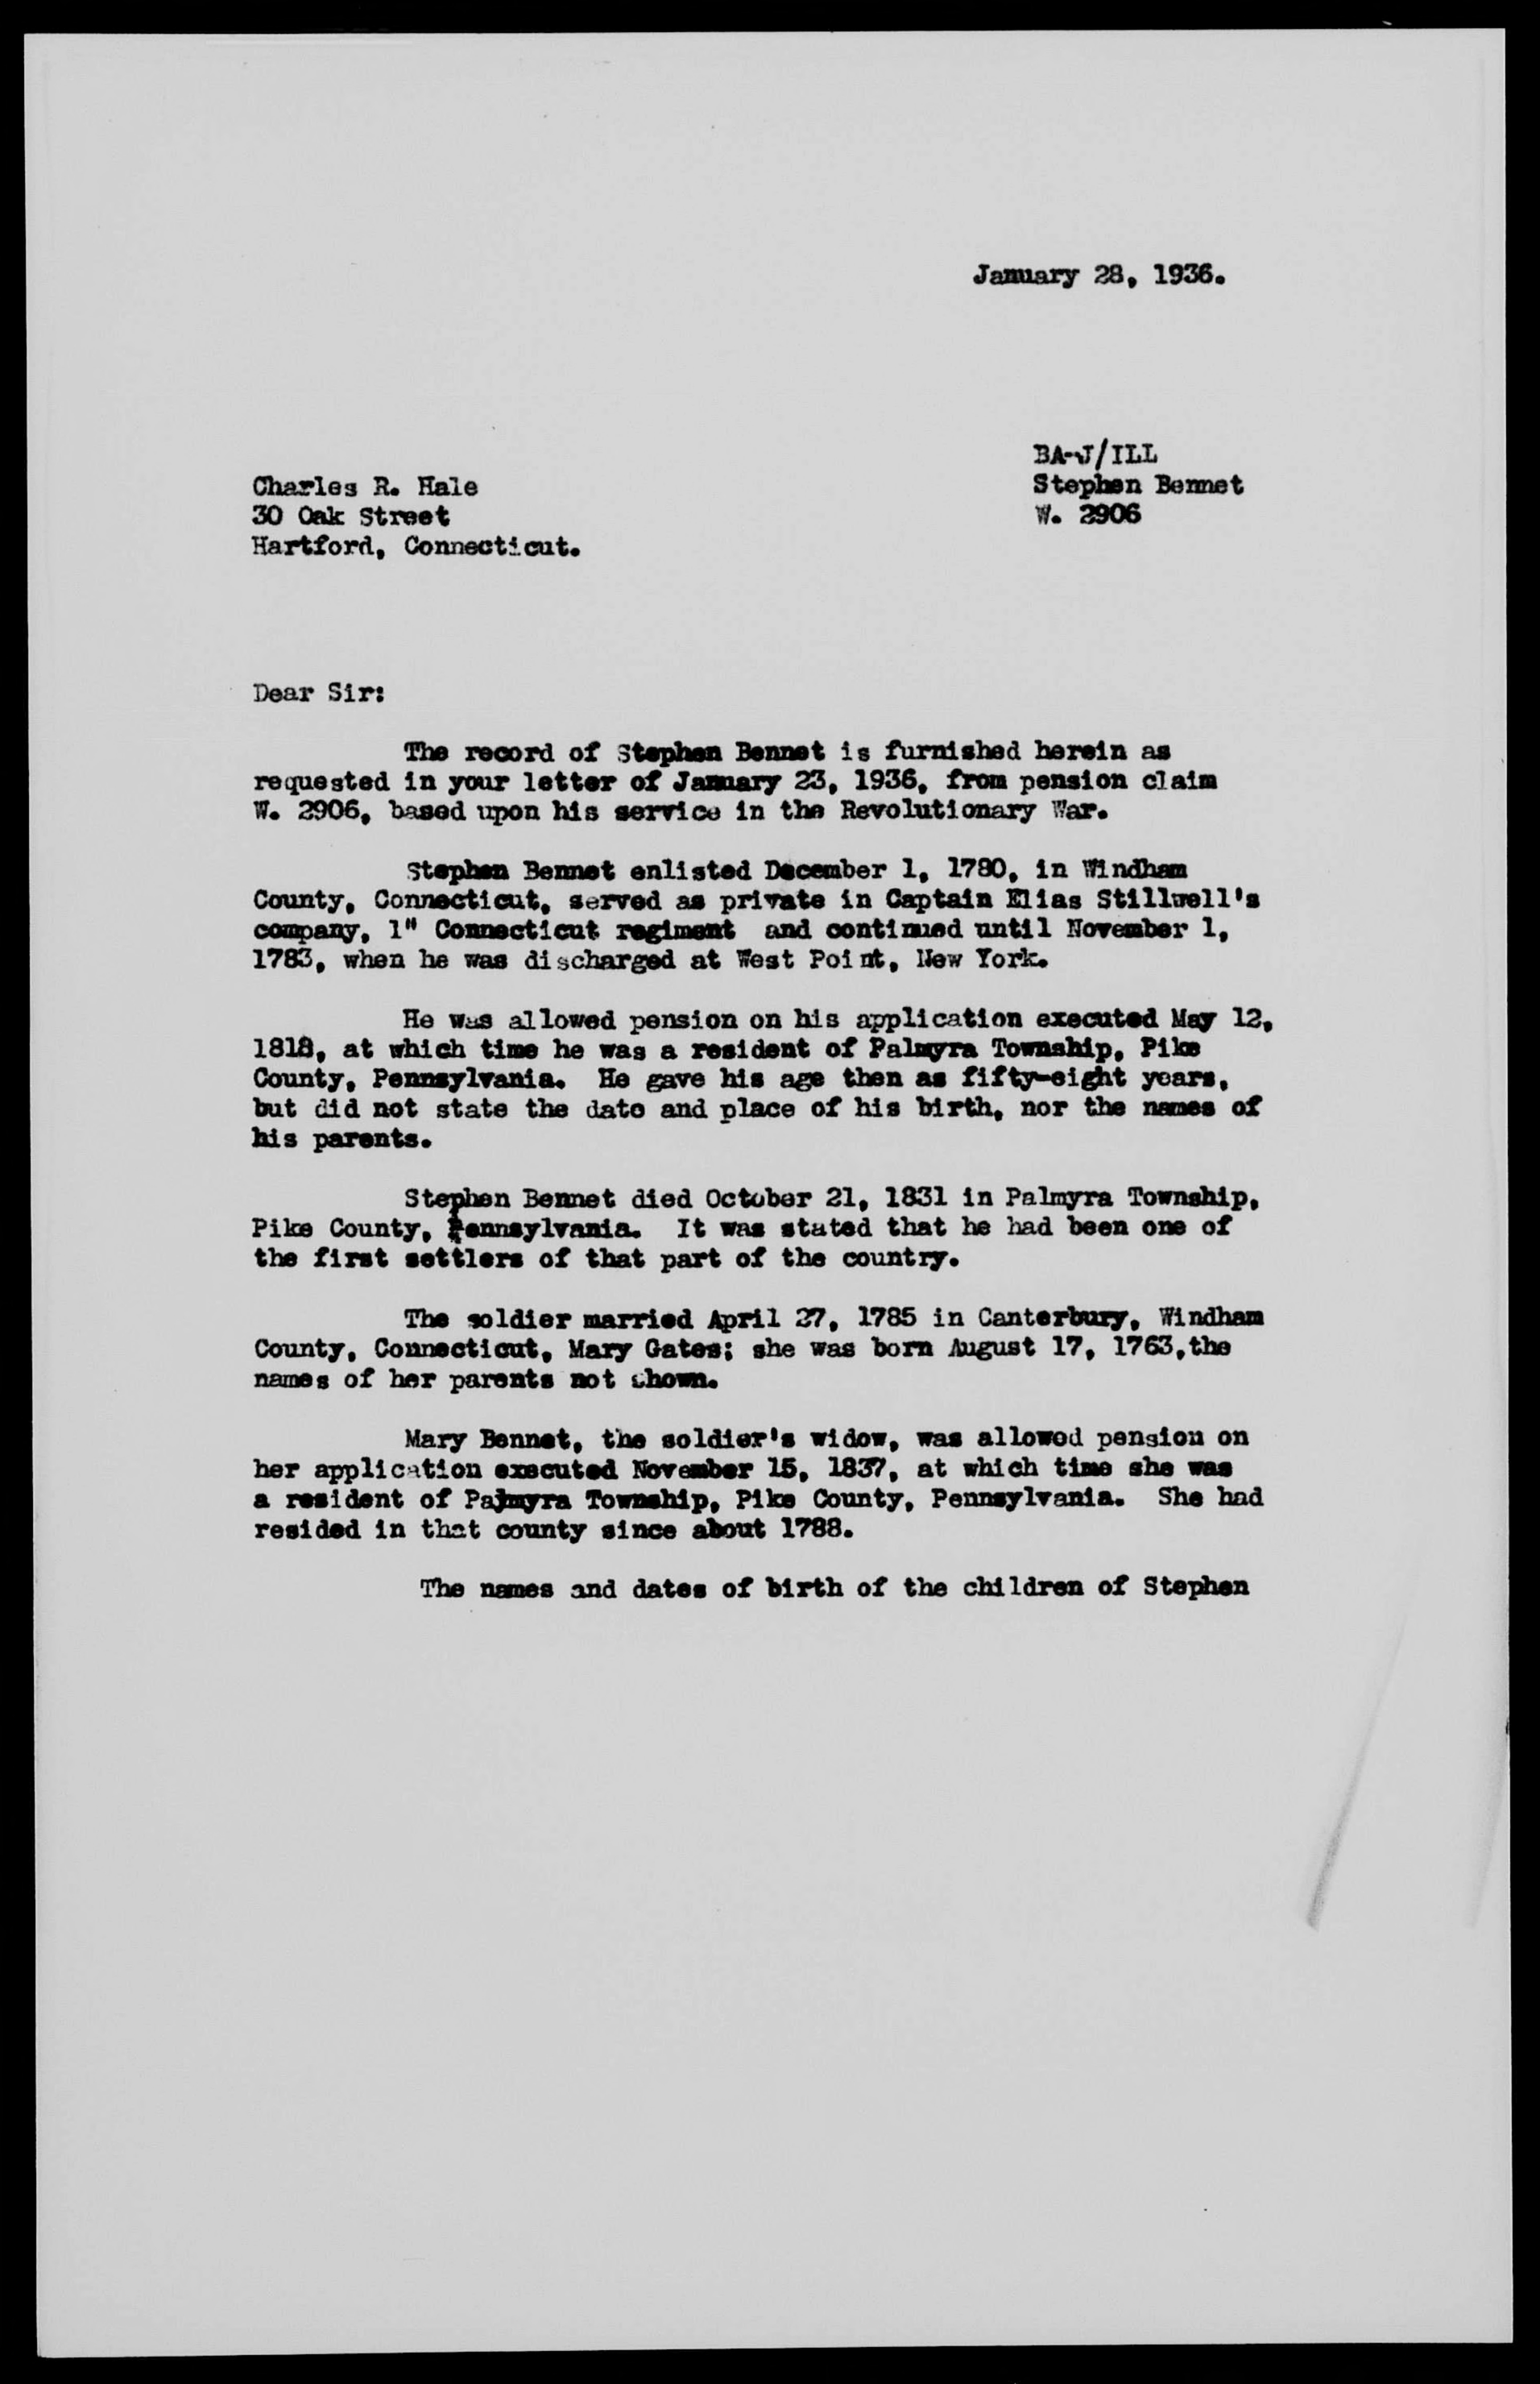January 28, 1936.


BA-J/ILL
Stephen Bennet
W. 2906

Charles R. Hale
30 Oak Street
Hartford, Connecticut.

Dear Sir:

The record of Stephen Bennet is furnished herein as
requested in your letter of January 23, 1936, from pension claim
W. 2906, based upon his service in the Revolutionary War.

Stephen Bennett enlisted December 1, 1780, in Windham
County, Connecticut, served as private in Captain Elias Stillwell's
company, 1st Connecticut regiment and continued until November 1, 1783, when he was discharged at West Point, New York.

He was allowed pension on his application executed May 12,
1818, at which time he was a resident of Palmyra Township, Pike
County, Pennsylvania. He gave his age then as fifty-eight years,
but did not state the date and place of his birth, nor the names of
his parents.

Stephen Bennet died October 21, 1831 in Palmyra Township,
Pike County, Pennsylvania. It was stated that he had been one of the first settlers of that part of the country.

The soldier married April 27, 1785 in Canterbury, Windham
County, Connecticut, Mary Gates; she was born August 17, 1763, the names of her parents not shown.

Mary Bennet, the soldier's widow, was allowed pension on her application executed November 15, 1837, at which time she was a resident of Palmyra Township, Pike County, Pennsylvania.  She had resided in that county since about 1788.

The names and dates of birth of the children of Stephen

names: Mary Bennet, Stephen Bennet, Stephen, Charles R Hale, Stephen Bennet, Stephen Bennet, Stephen Bennet, Mary Gates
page: 12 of 79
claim: widow's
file: W. 2,906, Stephen Bennet, Conn.